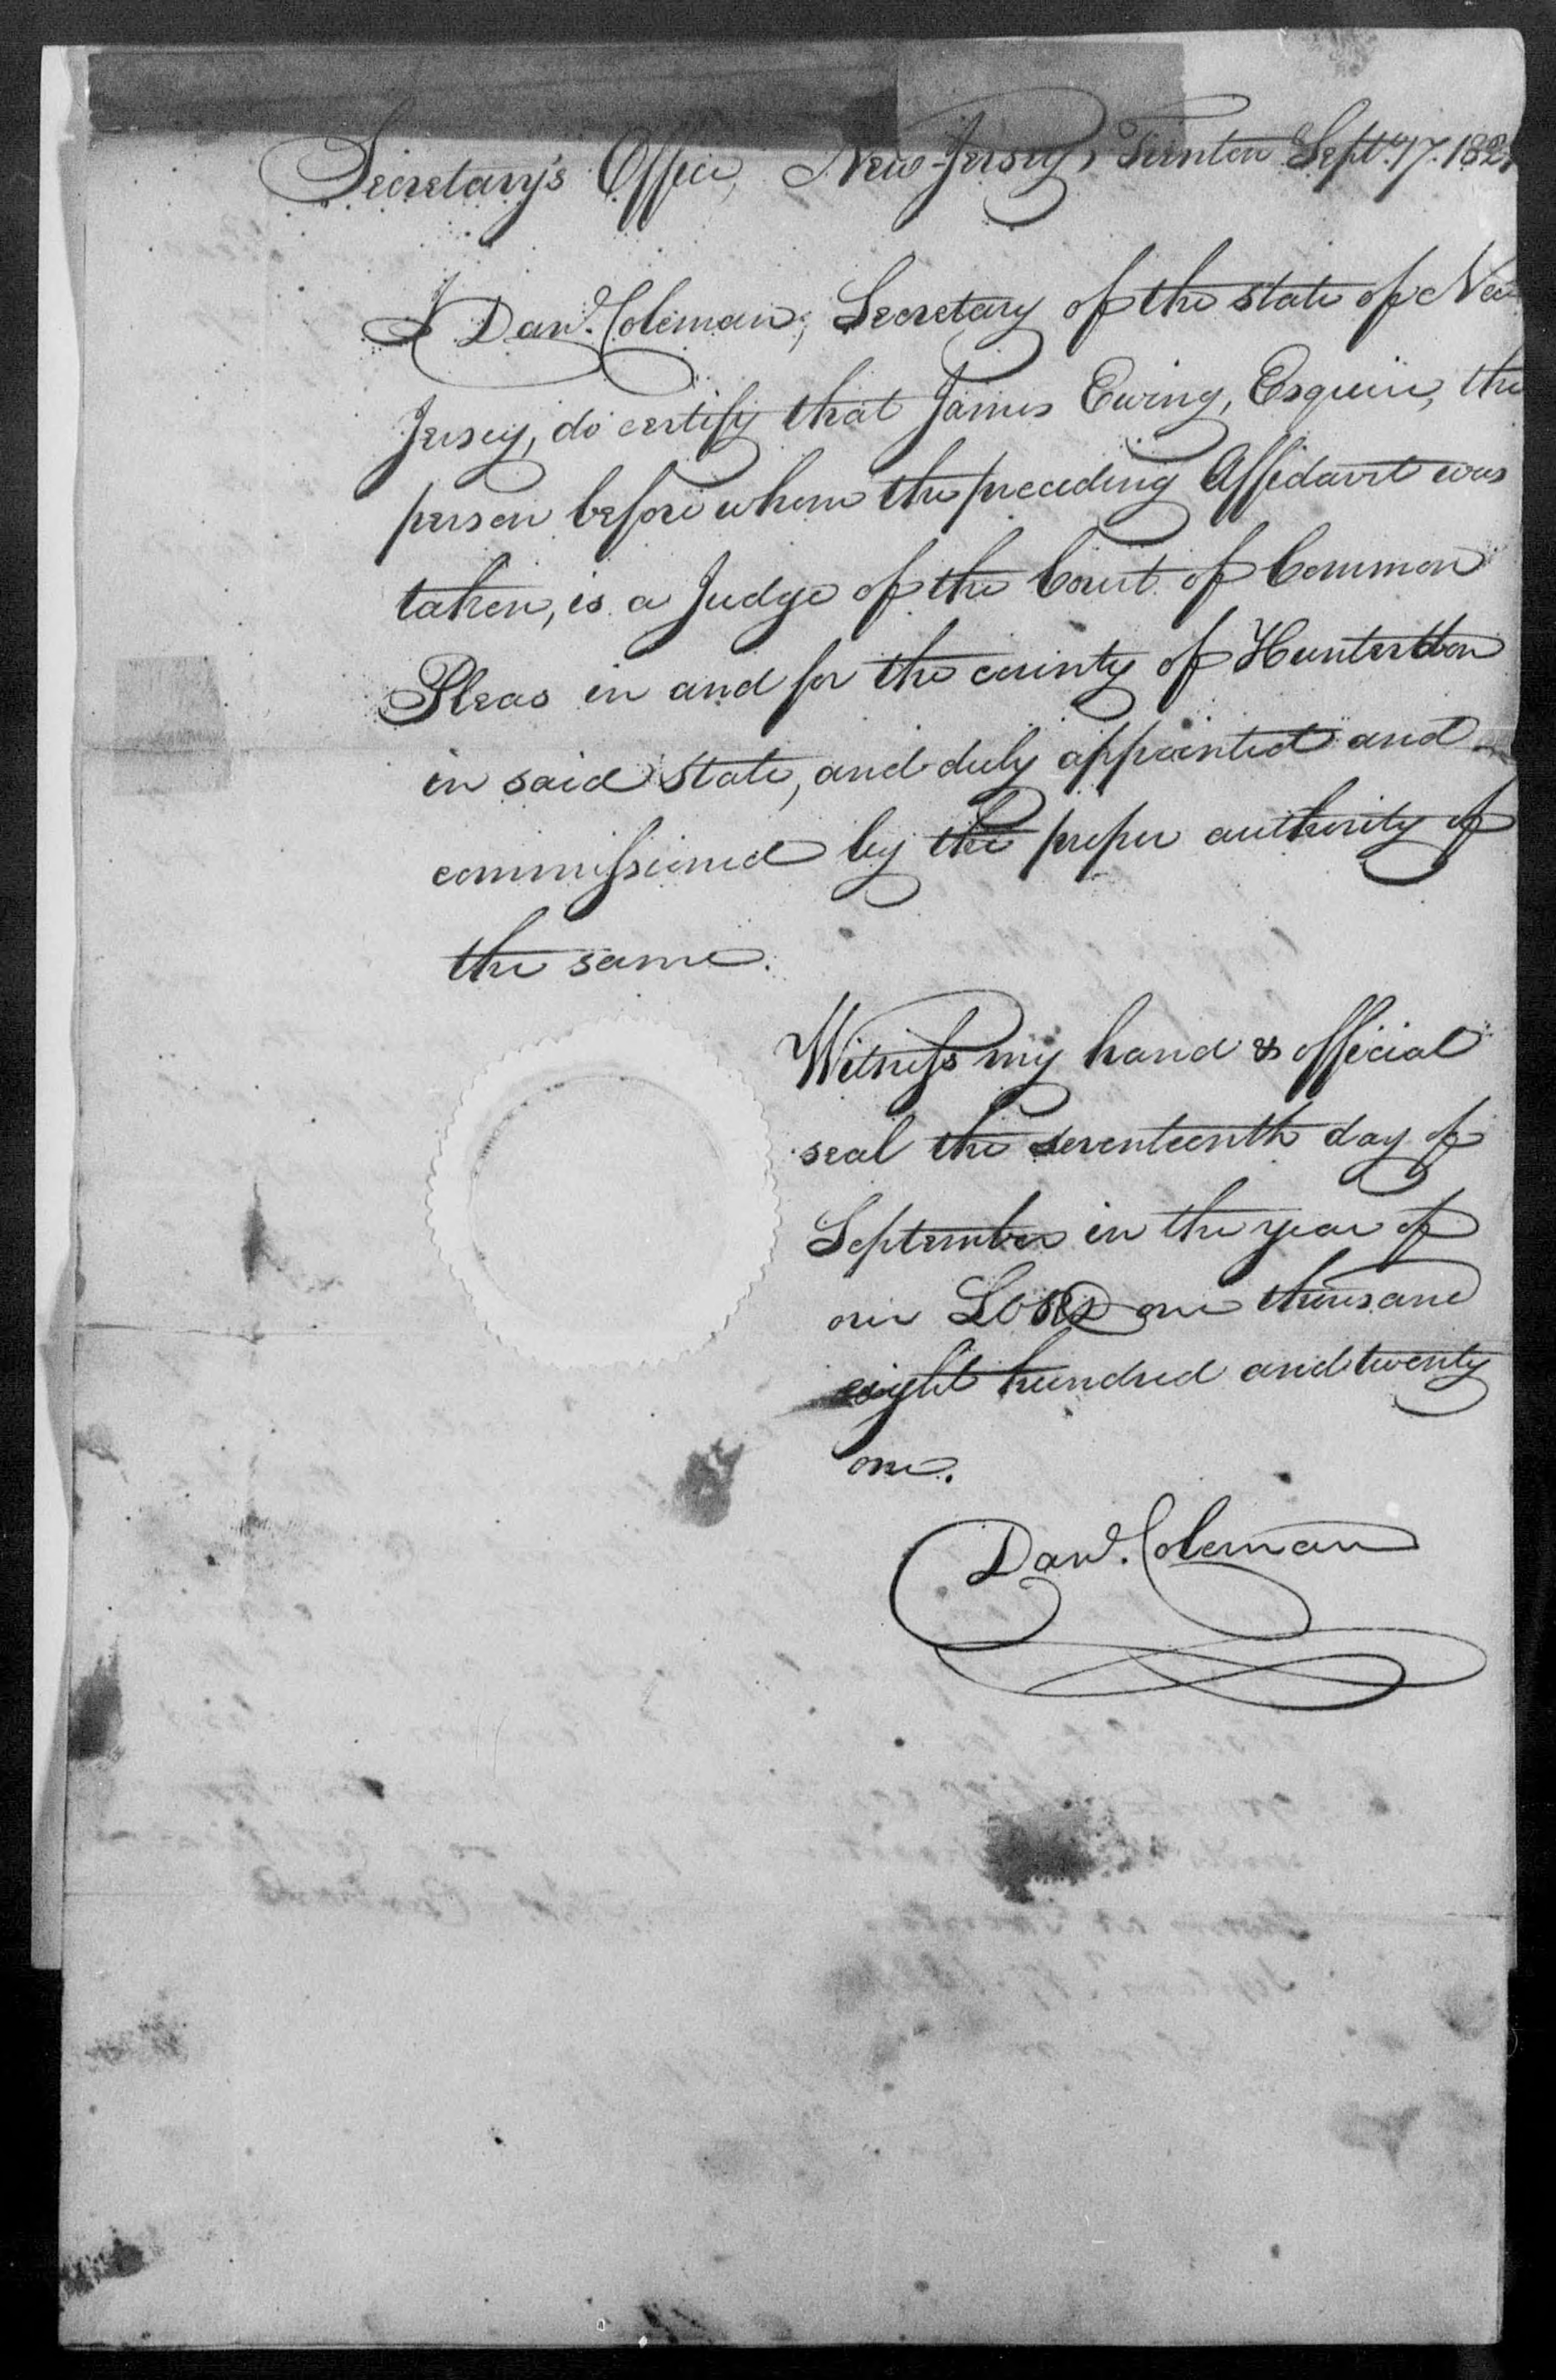Secretary's Office, New Jersey, Trenton, Sept 17 1821

I Dan'l Coleman, Secretary of the state of New Jersey, do certify that James Ewing, Esquire, the person before whom the preceding Affidavit was taken, is a Judge of the Court of Common Pleas in and for the county of Hunterdon in said state, and duly appointed and commissioned by the proper authority of the same.

Witness my hand and official seal the seventeenth day of September in the year of our Lord one thousand eight hundred and twenty one.

(Signed) "Dan'l Coleman"

(There is a stamp affixed to the bottom left part of this page.)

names: James Ewing, Danl Coleman, Danl Coleman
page: 5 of 7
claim: survivor's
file: S. 483, Thomas Carhart, New Jersey